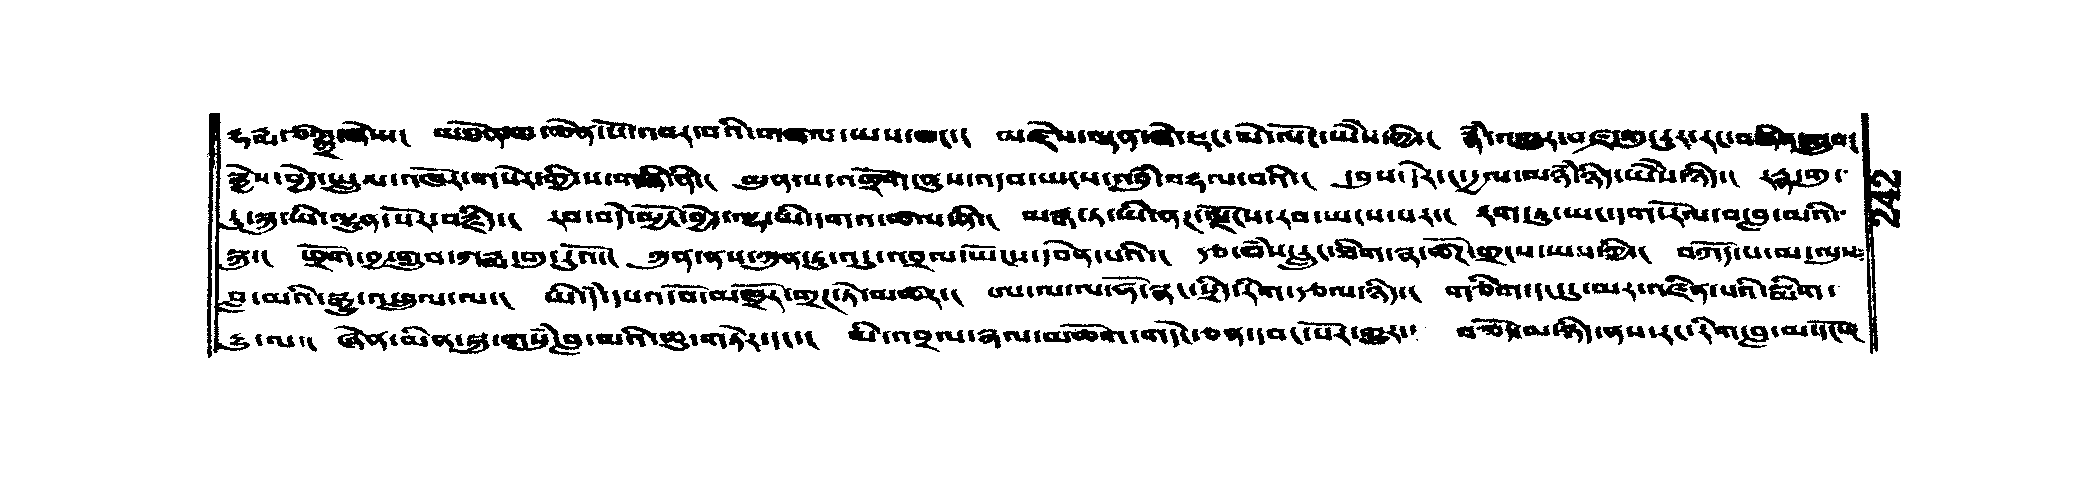དྷརྨ་ཙཀྲ་ཞེས། །མཐོན་ཁ་ཆེན་པོ་འབར་བའི་གཞལ་ཡས་ཁང་། །མཛེས་ལྡན་ཞེ་སྡང་མེ་ལོང་ཡེ་ཤེས་ཀྱི། །རྣམ་འགྱུར་བཛྲ་གུ་རུར་རང་བཞིན་གྲུབ། །
སྐྱེད་བྱེད་སྤྲུལ་འཁོར་གསེར་གྱི་ས་གཞི་ནི། །མུན་པ་འཕྲོག་ནུས་འདབ་ཡངས་འབུམ་བརྡལ་བའི། །དབུས་དེར་ང་རྒྱལ་མཉམ་ཉིད་ཡེ་ཤེས་ཉིད། །རཏྣ་གུ་
རུ་སྐུ་ཡི་ལྷུན་པོར་བརྗིད། །རབ་བདེ་མྱོང་བྱེད་ལྷ་ཡི་དགའ་ཚལ་ནི། །མརྒཏྟ་ཡི་ནགས་ལྗོངས་རབ་ཡངས་པར། །རྟག་ཏུ་ཡང་དག་རོལ་བ་བླ་མའི་
སྐུ། །ཕྲག་དོག་བྱ་གྲུབ་ཀརྨ་གུ་རུའོ། །ཀུན་ནས་ཀུན་ཏུ་འདུ་འབྲལ་ཡོངས་དབེན་པའི། །རྩ་ཁམས་རླུང་ཐིག་སྣ་ཚོགས་གྲངས་ཡས་ཀྱི། །བཀོད་པ་མ་ལུས་
བླ་མའི་སྒྱུ་འཕྲུལ་ལ། །ཡི་དམ་དཔའ་བོ་མཁའ་འགྲོར་གྲགས་ཏེ་མཚར། །ཨ་ལ་ལ་ཧོ་སྣང་སྲིད་རིག་རྩལ་ཉིད། །གཅིག་དང་དུ་མར་འཛིན་པའི་སྨིག་
རྒྱུ་ལ། །ཞེན་མིན་སྐུ་གསུམ་བླ་མའི་ཆུ་གཏེར་དང་། །མི་འབྲལ་སྐལ་མཆོག་གདེང་ཅན་དབང་པོར་གྱུར། །བཟོད་མ་ཉིད་ནས་རང་རིག་བླ་མ་དངོས།